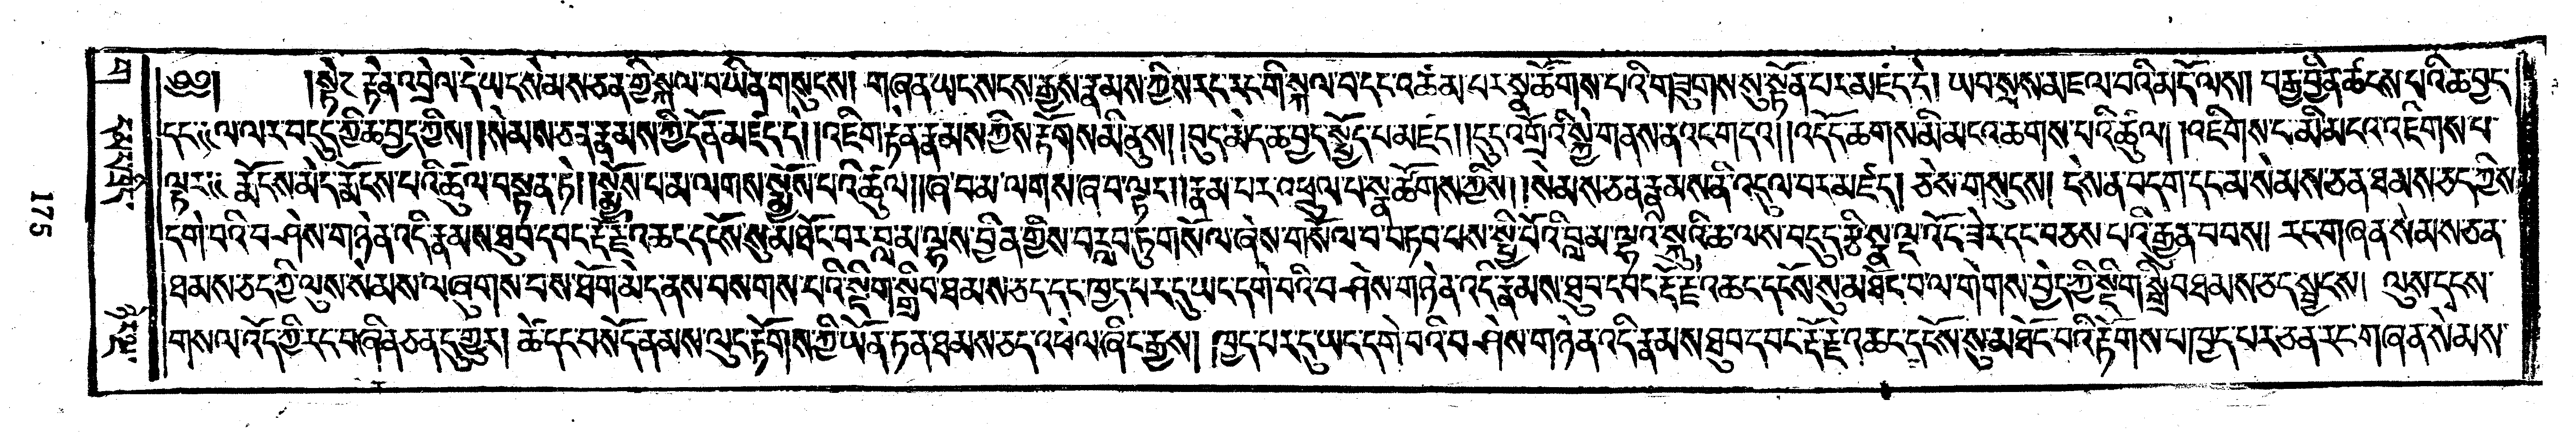༄༅། །སྟེ༑ རྟེན་འབྲེལ་དེ་ཡང་སེམས་ཅན་གྱི་སྐལ་བ་ཡིན་གསུངས། གཞན་ཡང་སངས་རྒྱས་རྣམས་ཀྱིས་རང་རང་གི་སྐལ་བ་དང་འཚམ་པར་སྣ་ཚོགས་པའི་གཟུགས་སུ་སྟོན་པར་མཛད་དེ། ཡབ་སྲས་མཇལ་བའི་མདོ་ལས། བརྒྱ་བྱིན་ཚངས་པའི་ཆ་བྱད་
དང༑ ༑ལ་ལར་བདུད་ཀྱི་ཆ་བྱད་ཀྱིས། །སེམས་ཅན་རྣམས་ཀྱི་དོན་མཛད་དེ། །འཇིག་རྟེན་རྣམས་ཀྱིས་རྟོགས་མི་ནུས། །བུད་མེད་ཆ་བྱད་སྤྱོད་པ་མཛད། །དུད་འགྲོའི་སྐྱེ་གནས་ནའང་གདའ། །འདོད་ཆགས་མི་མངའ་ཆགས་པའི་ཚུལ། །འཇིགས་པ་མི་མངའ་འཇིགས་པ་
ལྟར༑༑ རྨོངས་མེད་རྨོངས་པའི་ཚུལ་བསྟན་ཏེ། །སྨྱོས་པ་མ་ལགས་སྨྱོས་པའི་ཚུལ། །ཞི་བ་མ་ལགས་ཞ་བ་ལྟར། །རྣམ་པར་འཕྲུལ་པ་སྣ་ཚོགས་ཀྱིས། །སེམས་ཅན་རྣམས་ནི་འདུལ་བར་མཛད། ཅེས་གསུངས། ངེས་ན་བདག་དང་མ་སེམས་ཅན་ཐམས་ཅད་ཀྱིས་
དགེ་བའི་བཤེས་གཉེན་འདི་རྣམས་ཐུབ་དབང་རྡོ་རྗེ་འཆང་དངོས་སུ་མཐོང་བར་བླ་མ་ལྷས་བྱིན་གྱིས་བརླབ་ཏུ་གསོལ་ཞེས་གསོལ་བ་བཏབ་པས་སྤྱི་བོའི་བླ་མ་ལྷའི་སྐུའི་ཆ་ལས་བདུད་རྩི་སྣ་ལྔ་འོད་ཟེར་དང་བཅས་པའི་རྒྱུན་བབས། རང་གཞན་སེམས་ཅན་
ཐམས་ཅད་ཀྱི་ལུས་སེམས་ལ་ཞུགས་པས་ཐོག་མེད་ནས་བསགས་པའི་སྡིག་སྒྲིབ་ཐམས་ཅད་དང་ཁྱད་པར་དུ་ཡང་དགེ་བའི་བཤེས་གཉེན་འདི་རྣམས་ཐུབ་དབང་རྡོ་རྗེ་འཆང་ལ་དངོས་སུ་མཐོང་བ་ལ་གེགས་བྱེད་ཀྱི་སྡིག་སྒྲིབ་ཐམས་ཅད་སྦྱངས། ལུས་དྭངས་
གསལ་འོད་ཀྱི་རང་བཞིན་ཅན་དུ་གྱུར། ཚེ་དང་བསོད་ནམས་ལུང་རྟོགས་ཀྱི་ཡོན་ཏན་ཐམས་ཅད་འཕེལ་ཞིང་རྒྱས། ཁྱད་པར་དུ་ཡང་དགེ་བའི་བཤེས་གཉེན་འདི་རྣམས་ཐུབ་དབང་རྡོ་རྗེ་འཆང་དངོས་སུ་མཐོང་བའི་རྟོགས་པ་ཁྱད་པར་ཅན་རང་གཞན་སེམས་